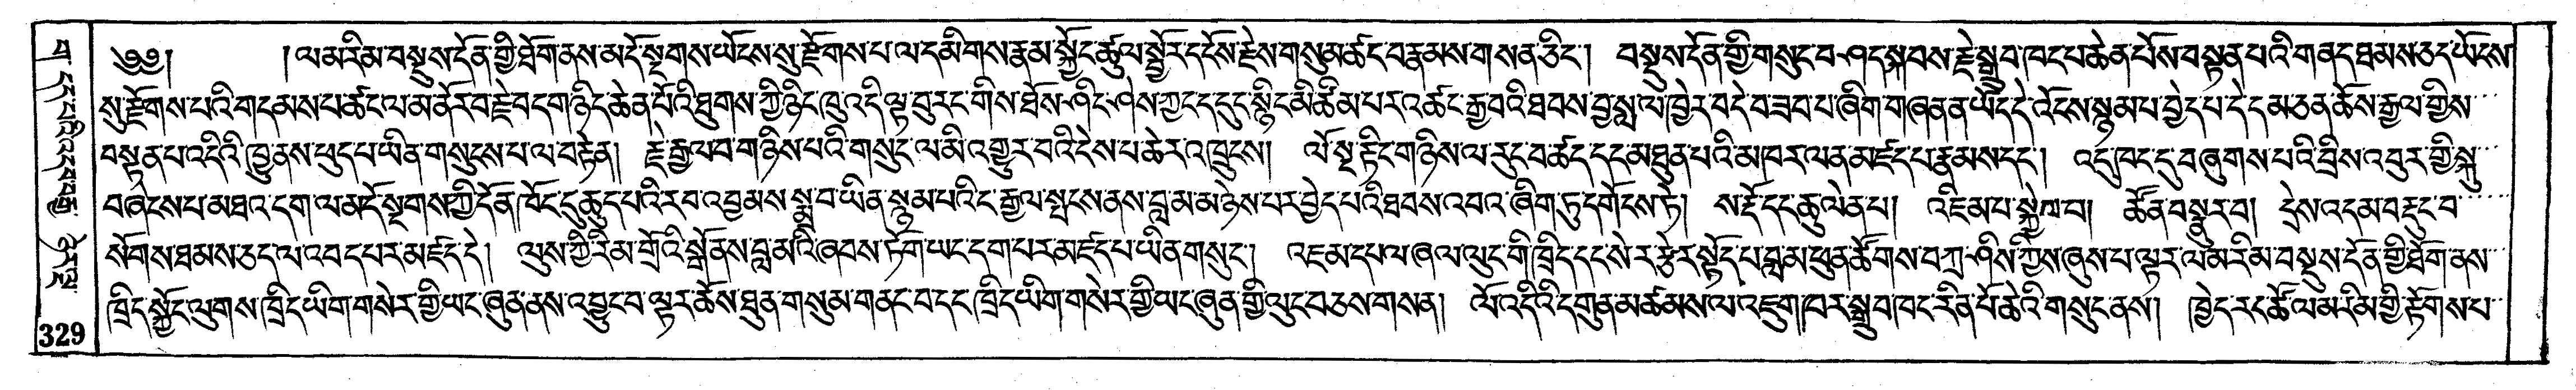༄༅། །ལམ་རིམ་བསྡུས་དོན་གྱི་ཐོག་ནས་མདོ་སྔགས་ཡོངས་སུ་རྫོགས་པ་ལ་དམིགས་རྣམ་སྐྱོང་ཚུལ་སྦྱོར་དངོས་རྗེས་གསུམ་ཚང་བ་རྣམས་གསན་ཅིང་། བསྡུས་དོན་གྱི་གསུང་བཤད་སྐབས་རྗེ་སྒྲུབ་ཁང་པ་ཆེན་པོས་བསྟན་པའི་གནད་ཐམས་ཅད་ཡོངས་
སུ་རྫོགས་པའི་གདམས་པ་ཚང་ལ་མ་ནོར་བ་རྗེ་བདག་ཉིད་ཆེན་པོའི་ཐུགས་ཀྱི་ཉིད་ཁུ་འདི་ལྟ་བུ་རང་གིས་ཐོས་ཤིང་ཤེས་ཀྱང་ད་དུང་སྙིང་མི་ཆིམ་པར་འཚང་རྒྱ་བའི་ཐབས་བྱ་སླ་ལ་ཁྱེར་བདེ་བ་ཟབ་པ་ཞིག་གཞན་ན་ཡོད་དེ་འོངས་སྙམ་པ་བྱེད་པ་དེ་དམ་ཅན་ཆོས་རྒྱལ་གྱིས་
བསྟན་པ་འདིའི་ཁྱུ་ནས་ཕུད་པ་ཡིན་གསུངས་པ་ལ་བརྟེན། རྗེ་རྒྱལ་བ་གཉིས་པའི་གསུང་ལ་མི་འགྱུར་བའི་ངེས་པ་ཆེར་འཁྲུངས། ལོ་སྔ་རྟིང་གཉིས་ལ་རུང་བ་ཚེད་དང་མཐུན་པའི་མཁར་ལན་མཛད་པ་རྣམས་དང་། འདུ་ཁང་དུ་བཞུགས་པའི་བྲིས་འབུར་གྱི་སྐུ་
བཞེངས་པ་མཐའ་དག་ལ་མདོ་སྔགས་ཀྱི་དོན་ཁོང་དུ་ཆུད་པའི་རབ་འབྱམས་སྨྲ་བ་ཡིན་སྙམ་པའི་ང་རྒྱལ་སྤངས་ནས་བླ་མ་མཉེས་པར་བྱེད་པའི་ཐབས་འབའ་ཞིག་ཏུ་དགོངས་ཏེ། ས་རྡོ་དང་ཆུ་ལེན་པ། འཇིམ་པ་སྐྱེལ་བ། ཚོན་བསྣུར་བ། དྲེས་འདམ་བརྡུང་བ།
སོགས་ཐམས་ཅད་ལ་འབད་པར་མཛད་དེ། ལུས་ཀྱི་རིམ་གྲོའི་སྒོ་ནས་བླ་མའི་ཞབས་ཏོག་ཡང་དག་པར་མཛད་པ་ཡིན་གསུང་། འཇམ་དཔལ་ཞལ་ལུང་གི་ཁྲིད་དང་སེ་ར་རྩེར་སྟོད་པ་བླ་མ་ཕུན་ཚོགས་བཀྲ་ཤིས་ཀྱིས་ཞུས་པ་ལྟར་ལམ་རིམ་བསྡུས་དོན་གྱི་ཐོག་ནས་
ཁྲིད་སྐྱོང་ལུགས་ཁྲིད་ཡིག་གསེར་གྱི་ཡང་ཞུན་ནས་འབྱུང་བ་ལྟར་ཆོས་ཐུན་གསུམ་གནང་བ་དང་ཁྲིད་ཡིག་གསེར་གྱི་ཡང་ཞུན་གྱི་ལུང་བཅས་གསན། ལོ་འདིའི་དགུན་མཚམས་ལ་འཇུག་ཁར་སྒྲུབ་ཁང་རིན་པོ་ཆེའི་གསུང་ནས། ཁྱེད་རང་ཚོ་ལམ་རིམ་གྱི་རྟོགས་པ་